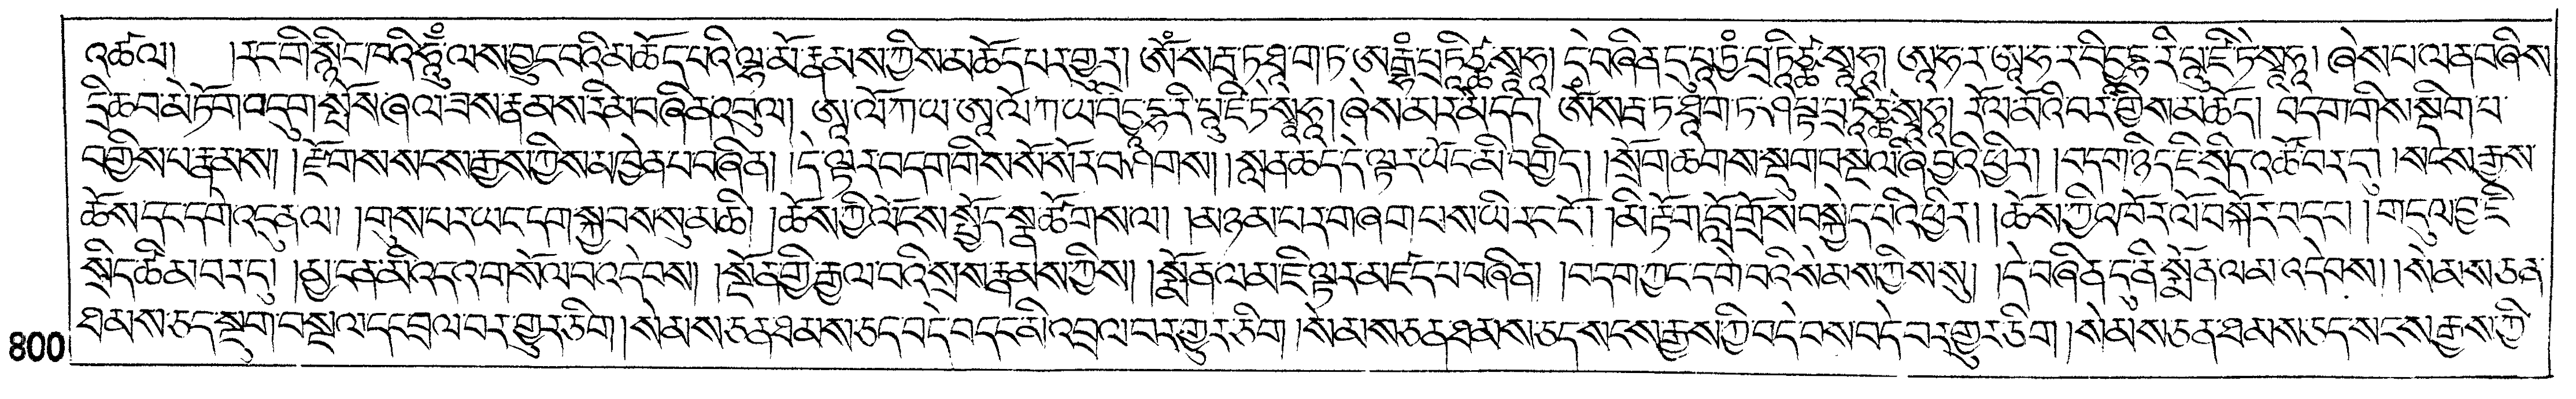འཚལ། །རང་གི་སྙིང་ཁའི་ཧཱུཾ་ལས་བྱུང་བའི་མཆོད་པའི་ལྷ་མོ་རྣམས་ཀྱིས་མཆོད་པར་གྱུར། ཨོཾ་སརྦ་ཏ་ཐཱ་ག་ཏ་ཨརྒྷཾ་པྲཏཱི་ཙྪ་སྭཱཧཱ། དེ་བཞིན་དུ་པཱ་ཏྱཾ་པྲ་ཏཱི་ཙྪ་སྭཱཧཱ། ཨཱ་ཧ་ར་ཨཱ་ཧ་ར་བིདྱཱ་དྷ་རི་པཱུ་ཛི་ཏེ་སྭཱཧཱ། ཞེས་པ་ལན་བཞིས་
དྲི་ཆབ་མེ་ཏོག་འདུག་སྤོས་ཞལ་ཟས་རྣམས་རིམ་བཞིན་འབུལ། ཨཱ་ལོ་ཀ་ཡ་ཨཱ་ལོ་ཀ་ཡ་བིདྱཱ་དྷ་རི་པཱུ་ཛི་ཏེ་སྭཱཧཱ། ཞེས་མར་མེ་དང་། ཨོཾ་སརྦ་ཏ་ཐཱ་ག་ཏ་ཤཔྟ་པྲ་ཏཱི་ཙྪ་སྭཱཧཱ། རོལ་མོའི་བར་གྱིས་མཆོད། བདག་གིས་སྡིག་པ་
བགྱིས་པ་རྣམས། །རྫོགས་སངས་རྒྱས་ཀྱིས་མཁྱེན་པ་བཞིན། །དེ་ལྟར་བདག་གིས་སོ་སོར་བཤགས། །སླན་ཆད་དེ་ལྟར་ཡོང་མི་བགྱིད། །སྲོག་ཆགས་སྡུག་བསྔལ་ཞི་བྱའི་ཕྱིར། །བདག་ཉིད་ཇི་སྲིད་འཚོ་བར་དུ། །སངས་རྒྱས་
ཆོས་དང་དགེ་འདུན་ལ། །གུས་པར་ཡང་དག་སྐྱབས་སུ་མཆི། །ཆོས་ཀྱི་ལོངས་སྤྱོད་སྣ་ཚོགས་ལ། །མཉམ་པར་གཞག་པས་ཡི་རང་ངོ། །མི་རྟོག་བློ་གྲོས་བསྐྱེད་པའི་ཕྱིར། །ཆོས་ཀྱི་འཁོར་ལོ་བསྐོར་བ་དང་། །གདུལ་བྱ་ཇི་
སྲིད་ཚིམ་བར་དུ། །མྱ་ངན་མི་འདའ་གསོལ་བ་འདེབས། །སྔོན་གྱི་རྒྱལ་བའི་སྲས་རྣམས་ཀྱིས། །སྨོན་ལམ་ཇི་ལྟར་མཛད་པ་བཞིན། །བདག་ཀྱང་དགེ་བའི་སེམས་ཀྱིས་སུ། །དེ་བཞིན་དུ་ནི་སྨོན་ལམ་འདེབས། །སེམས་ཅན་
ཐམས་ཅད་སྡུག་བསྔལ་དང་བྲལ་བར་གྱུར་ཅིག །སེམས་ཅན་ཐམས་ཅད་བདེ་བ་དང་མི་འབྲལ་བར་གྱུར་ཅིག །སེམས་ཅན་ཐམས་ཅད་སངས་རྒྱས་ཀྱི་བདེ་བས་བདེ་བར་གྱུར་ཅིག །སེམས་ཅན་ཐམས་ཅད་སངས་རྒྱས་ཀྱི་